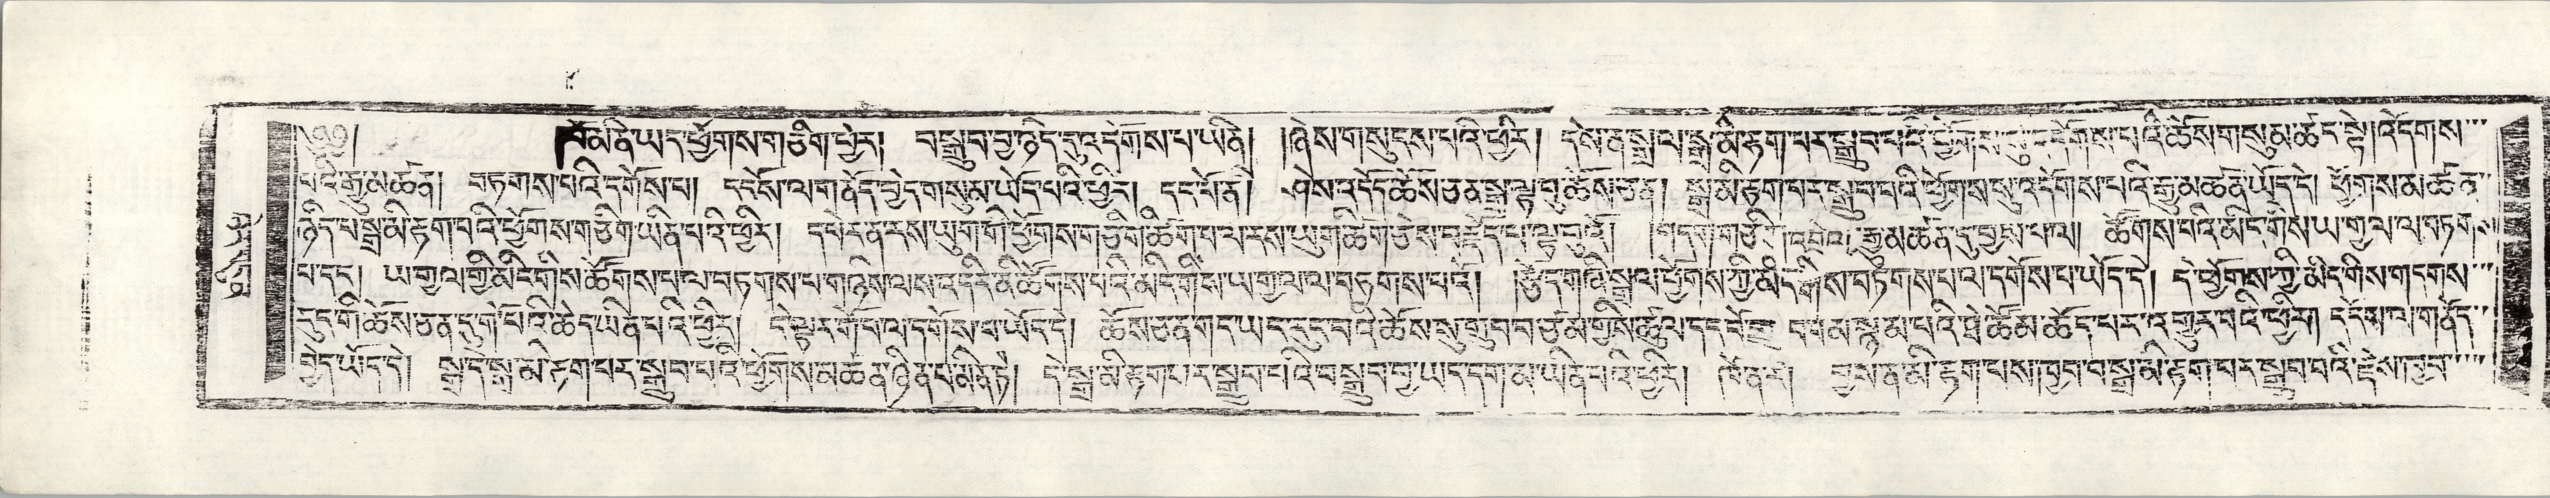༄༅། །པོ་མིན་ཡང་ཕྱོགས་གཅིག་ཕྱིར། བསྒྲུབ་བྱ་ཉིད་དུ་འདོགས་པ་ཡིན། །ཞེས་གསུངས་པའི་ཕྱིར། དེས་ན་སྒྲ་ལ་སྒྲ་མི་རྟག་པར་སྒྲུབ་པའི་ཕྱོགས་སུ་འདོགས་པའི་ཆོས་གསུམ་ཚང་སྟེ། འདོགས་
པའི་རྒྱུ་མཚན། བཏགས་པའི་དགོས་པ། དངོས་ལ་གནོད་བྱེད་གསུམ་ཡོད་པའི་ཕྱིར། དང་པོ་ནི། ཤེས་འདོད་ཆོས་ཅན་སྒྲ་ལྟ་བུ་ཆོས་ཅན། སྒྲ་མི་རྟག་པར་སྒྲུབ་པའི་ཕྱོགས་སུ་འདོགས་པའི་རྒྱུ་མཚན་ཡོད་དེ། ཕྱོགས་མཚན་
ཉིད་པ་སྒྲ་མི་རྟག་བའི་ཕྱོགས་གཅིག་ཡིན་པའི་ཕྱིར། དཔེར་ན་རས་ཡུག་གི་ཕྱོགས་གཅིག་ཚིག་པ་ལ་རས་ཡུག་ཚིག་ཅེས་བརྗོད་པ་ལྟ་བུའོ། །བདག་གཅིག་འབྲེལ་རྒྱུ་མཚན་དུ་བྱས་པ་ལ། ཚོགས་པའི་མིང་གིས་ཡ་གྱལ་ལ་བཏགས་
པ་དང་། ཡ་གྱལ་གྱི་མིང་གིས་ཚོགས་པ་ལ་བཏགས་པ་གཉིས་ལས་འདིར་ནི་ཚོགས་པའི་མིང་གིས་ཡ་གྱལ་ལ་བཏགས་པའོ། །རྩོད་གཞི་སྒྲ་ལ་ཕྱོགས་ཀྱི་མིང་གིས་བཏགས་པ་ལ་དགོས་པ་ཡོད་དེ། དེ་ཕྱོགས་ཀྱི་མིང་གིས་གདགས་
རུང་གི་ཆོས་ཅན་དུ་གོ་བའི་ཆེད་ཡིན་པའི་ཕྱིར། དེ་ལྟར་གོ་བ་ལ་དགོས་པ་ཡོད་དེ། ཆོས་ཅན་གང་ཡང་རུང་བའི་ཆོས་སུ་གྲུབ་པ་ཙམ་གྱིས་ཚུལ་དང་པོ་གྲུབ་བམ་སྙམ་པའི་ཐེ་ཚོམ་ཆོད་པར་འགྱུར་བའི་ཕྱིར། དངོས་ལ་གནོད་
བྱེད་ཡོད་དེ། སྒྲ་དེ་སྒྲ་མི་རྟག་པར་སྒྲུབ་པའི་ཕྱོགས་མཚན་ཉིད་པ་མིན་ཏེ། དེ་སྒྲ་མི་རྟག་པར་སྒྲུབ་པའི་བསྒྲུབ་བྱ་ཡང་དག་མ་ཡིན་པའི་ཕྱིར། ཁོ་ན་རེ། བྱས་ན་མི་རྟག་པས་ཁྱབ་པ་སྒྲ་མི་རྟག་པར་སྒྲུབ་པའི་རྗེས་ཁྱབ་